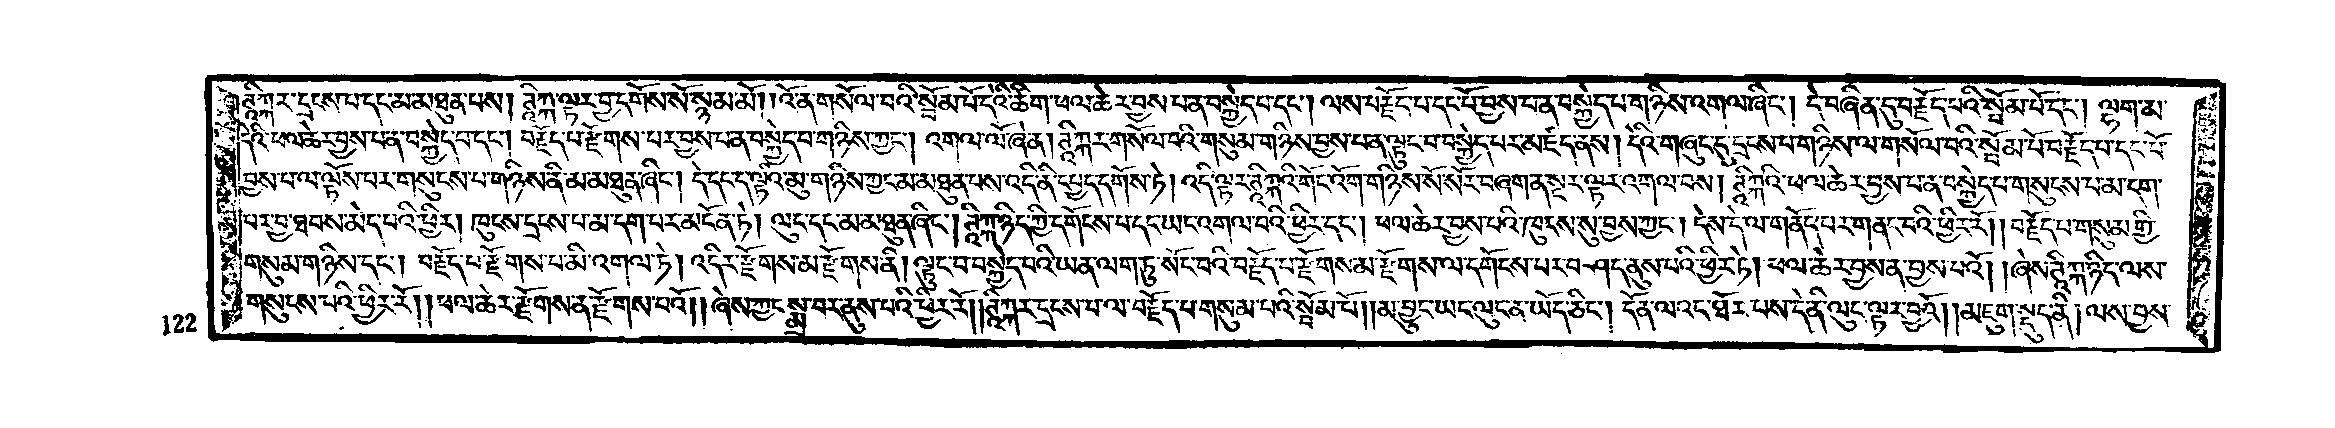ཊཱིཀྐར་དྲངས་པ་དང་མ་མཐུན་པས། ཊཱིཀྐ་ལྟར་བྱ་དགོས་སོ་སྙམ་མོ། །འོ་ན་གསོལ་བའི་སྦོམ་པོ་དེའི་ཚིག་ཕལ་ཆེར་བྱས་པ་ན་བསྐྱེད་པ་དང་། ལས་བརྗོད་པ་དང་པོ་བྱས་པ་ན་བསྐྱེད་པ་གཉིས་འགལ་ཞིང་། དེ་བཞིན་དུ་བརྗོད་པའི་སྦོམ་པོ་དང་། ལྷག་མ་
དེའི་ཕལ་ཆེར་བྱས་པ་ན་བསྐྱེད་པ་དང་། བརྗོད་པ་རྫོགས་པར་བྱས་པ་ན་བསྐྱེད་པ་གཉིས་ཀྱང་། འགལ་ལོ་ཞེ་ན། ཊཱིཀྐར་གསོལ་བའི་གསུམ་གཉིས་བྱས་པ་ན་ལྟུང་བ་བསྐྱེད་པར་མཛད་ནས། དེའི་གཞུང་དུ་དྲངས་པ་གཉིས་ལ་གསོལ་བའི་སྦོམ་པོ་བརྗོད་པ་དང་པོ་
བྱས་པ་ལ་ལྟོས་པར་གསུངས་པ་གཉིས་ནི་མ་མཐུན་ཞིང་། དེ་དང་ད་ལྟའི་མུ་གཉིས་ཀྱང་མ་མཐུན་པས་འདི་ནི་དཔྱད་དགོས་ཏེ། འདི་ལྟར་ཊཱིཀྐའི་གོང་འོག་གཉིས་སོ་སོར་བཞག་ན་སྔར་ལྟར་འགལ་བས། ཊཱིཀྐའི་ཕལ་ཆེར་བྱས་པ་ན་བསྐྱེད་པ་གསུངས་པ་མ་དག་
པར་བྱ་ཐབས་མེད་པའི་ཕྱིར། ཁུངས་དྲངས་པ་མ་དག་པར་མངོན་ཏེ། ལུང་དང་མ་མཐུན་ཞིང་། ཊཱིཀྐ་ཉིད་ཀྱི་དགོངས་པ་དང་ཡང་འགལ་བའི་ཕྱིར་དང་། ཕལ་ཆེར་བྱས་པའི་ཁུངས་སུ་བྱས་ཀྱང་། དེས་དེ་ལ་གནོད་པར་གནང་བའི་ཕྱིར་རོ། །བརྗོད་པ་གསུམ་གྱི་
གསུམ་གཉིས་དང་། བརྗོད་པ་རྫོགས་པ་མི་འགལ་ཏེ། འདིར་རྫོགས་མ་རྫོགས་ནི། ལྟུང་བ་བསྐྱེད་པའི་ཡན་ལག་ཏུ་སོང་བའི་བརྗོད་པ་རྫོགས་མ་རྫོགས་ལ་དགོངས་པར་བཤད་ནུས་པའི་ཕྱིར་ཏེ། ཕལ་ཆེར་བྱས་ན་བྱས་པའོ། །ཞེས་ཊཱིཀྐ་ཉིད་ལས་
གསུངས་པའི་ཕྱིར་རོ། །ཕལ་ཆེར་རྫོགས་ན་རྫོགས་པའོ། །ཞེས་ཀྱང་སྨྲ་བར་ནུས་པའི་ཕྱིར་རོ། །ཊཱིཀྐར་དྲངས་པ་ལ་བརྗོད་པ་གསུམ་པའི་སྦོམ་པོ། །མ་བྱུང་ཡང་ལུང་ན་ཡོད་ཅིང་། དོན་ལའང་ཐོང་པས་དེ་ནི་ལུང་ལྟར་བྱའོ། །མཇུག་སྡུད་ནི། ལས་བྱས་